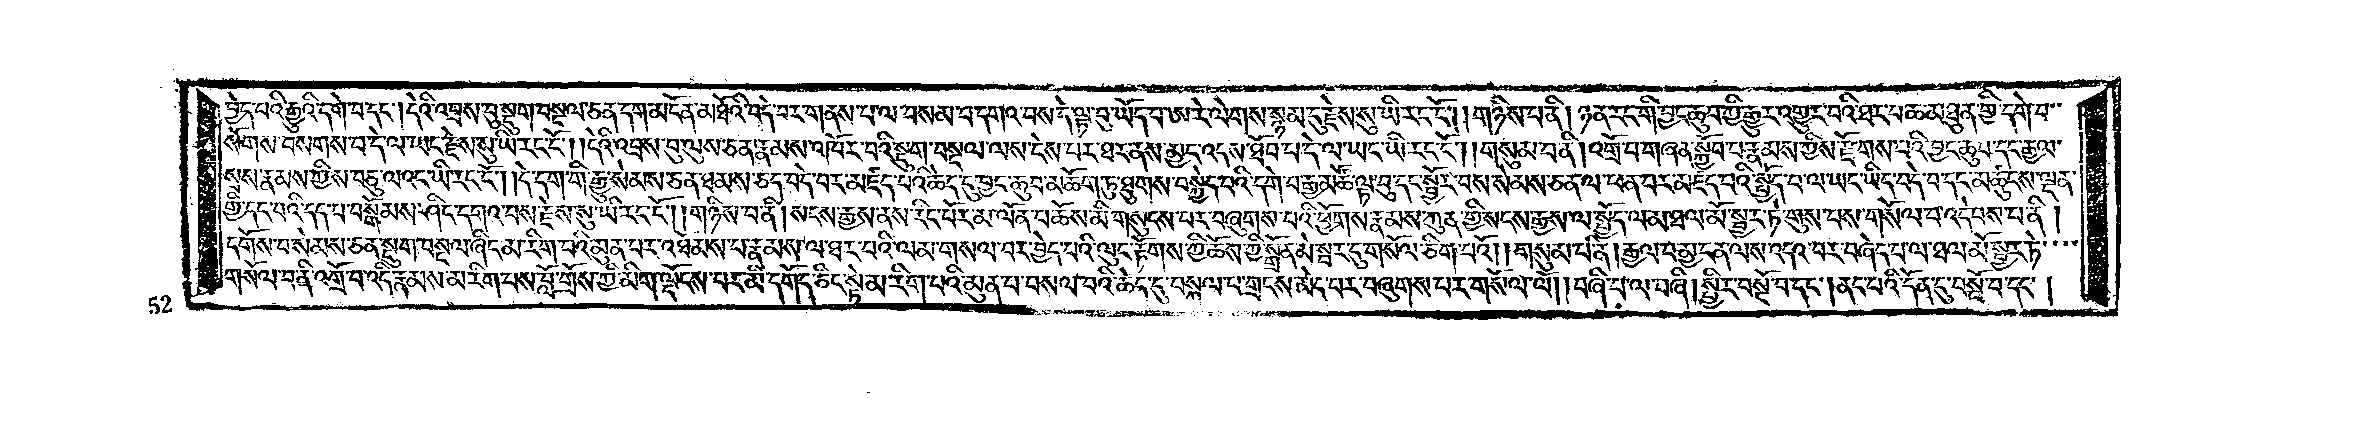བྱེད་པའི་རྒྱུའི་དགེ་བ་དང་། དེའི་འབྲས་བུ་སྡུག་བསྔལ་ཅན་དག་མངོན་མཐོའི་བདེ་བར་གནས་པ་ལ་བསམ་པ་དགའ་བས་དེ་ལྟར་བུ་ཡོད་པ་ཨ་རེ་ལེགས་སྙམ་དུ་རྗེས་སུ་ཡི་རང་ངོ། །གཉིས་པ་ནི། ཉན་རང་གི་བྱང་ཆུབ་ཀྱི་རྒྱུར་འགྱུར་བའི་ཐར་པ་ཆ་མཐུན་གྱི་དགེ་བ་
སོགས་བསགས་པ་དེ་ལ་ཡང་རྗེས་སུ་ཡི་རང་ངོ། །དེའི་འབྲས་བུ་ལུས་ཅན་རྣམས་འཁོར་བའི་སྡུག་བསྔལ་ལས་ངེས་པར་ཐར་ནས་མྱང་འདས་ཐོབ་པ་དེ་ལ་ཡང་ཡི་རང་ངོ། །གསུམ་པ་ནི། འགྲོ་བ་གཞན་སྐྱོབ་པ་རྣམས་ཀྱིས་རྫོགས་པའི་བྱང་ཆུབ་དང་རྒྱལ་
སྲས་རྣམས་ཀྱིས་བཅུ་ལའང་ཡི་རང་ངོ། །དེ་དག་གི་རྒྱུ་སེམས་ཅན་ཐམས་ཅད་བདེ་བར་མཛད་པའི་ཆེད་དུ་བྱང་ཆུབ་མཆོག་ཏུ་ཐུགས་བསྐྱེད་པའི་དགེ་བ་རྒྱ་མཚོ་ལྟ་བུ་དང་སྦྱོར་བས་སེམས་ཅན་ལ་ཕན་པར་མཛད་པའི་སྤྱོད་པ་ལ་ཡང་ཡིད་བདེ་བ་དང་མཚུངས་ལྡན་
གྱི་དང་བའི་དད་པ་བསྒོམས་ཤིང་དགའ་བས་རྗེས་སུ་ཡི་རང་ངོ། །གཉིས་པ་ནི། སངས་རྒྱས་ནས་རིང་པོར་མ་ལོན་པ་ཆོས་མི་གསུངས་པར་བཞུགས་པའི་ཕྱོགས་རྣམས་ཀུན་གྱི་སངས་རྒྱས་ལ་སྤྱོད་ལམ་ཐལ་མོ་སྦྱར་ཏེ་གུས་པས་གསོལ་བ་འདེབས་པ་ནི།
དགོས་པ་སེམས་ཅན་སྡུག་བསྔལ་ཞིང་མ་རིག་པའི་མུན་པར་འཐོམས་པ་རྣམས་ལ་ཐར་པའི་ལམ་གསལ་བར་བྱེད་པའི་ལུང་རྟོགས་ཀྱི་ཆོས་ཀྱི་སྒྲོན་མེ་སྦར་དུ་གསོལ་ཅིག་པའོ། །གསུམ་པ་ནི། རྒྱལ་བ་མྱ་ངན་ལས་འདའ་བར་བཞེད་པ་ལ་ཐལ་མོ་སྦྱར་ཏེ་
གསོལ་བ་ནི་འགྲོ་བ་འདི་རྣམས་མ་རིག་པས་བློ་གྲོས་ཀྱི་མིག་ལྡོངས་པར་མི་དགོད་ཅིང་སྟེ་མ་རིག་པའི་མུན་པ་གསལ་བའི་ཆེད་དུ་བསྐལ་པ་གྲངས་མེད་པར་བཞུགས་པར་གསོལ་ལོ། །བཞི་པ་ལ་བཞི། སྤྱིར་བསྔོ་བ་དང་། ནང་བའི་དོན་དུ་བསྔོ་བ་དང་།